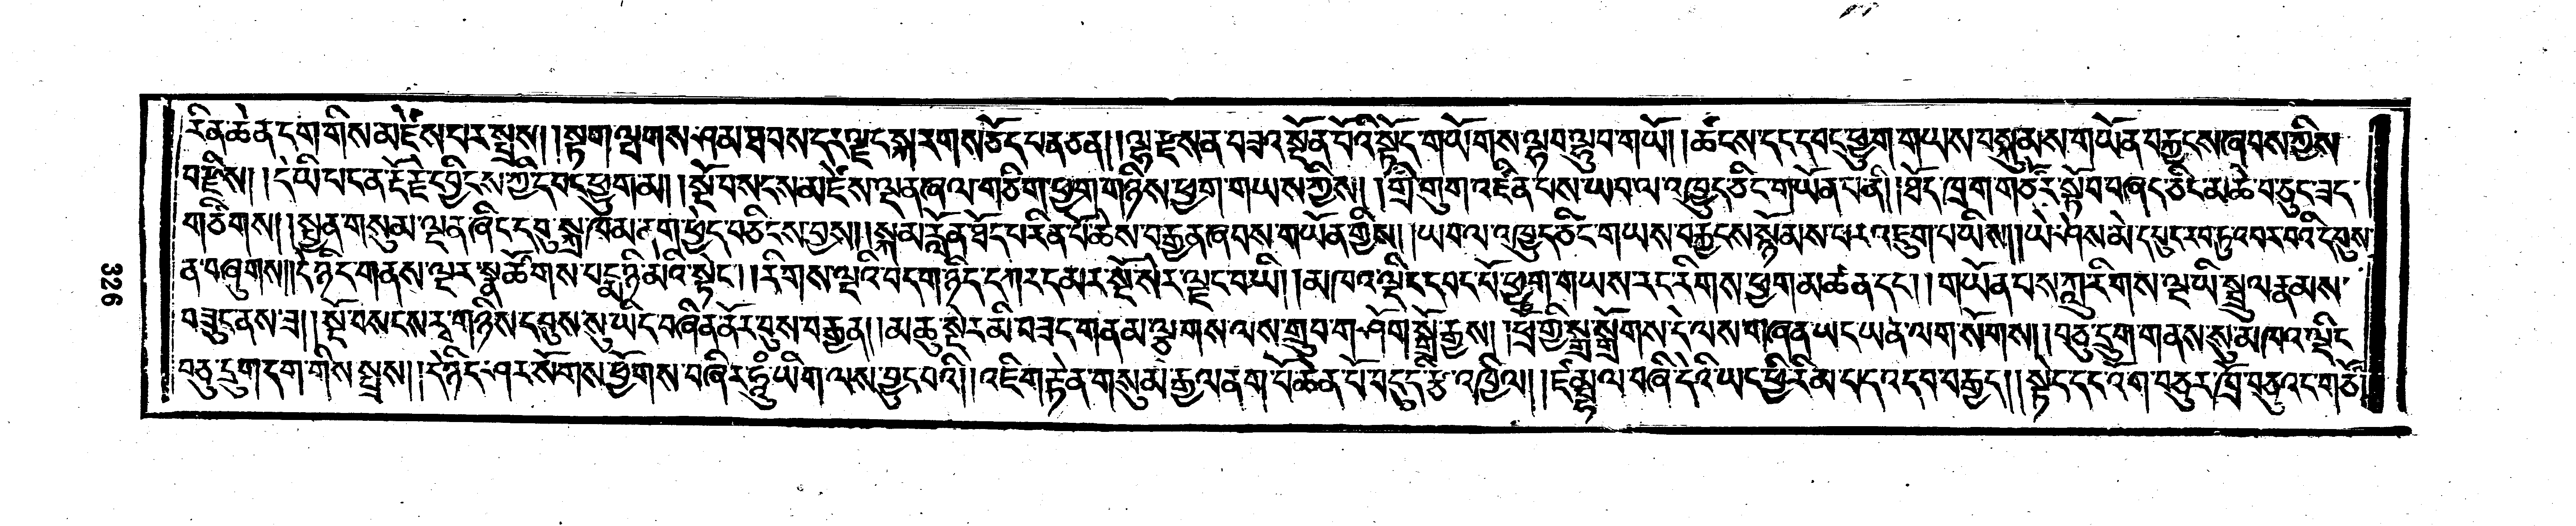རིན་ཆེན་དག་གིས་མཛེས་པར་སྤྲས། །སྟག་ལྤགས་ཤམ་ཐབས་དར་ལྗང་སྐ་རགས་ཅོད་པན་ཅན། །ལྷ་རྫས་ན་བཟའ་སྔོན་པོའི་སྟོད་གཡོགས་ལྷབ་ལྷུབ་གཡོ། །ཚངས་དང་དབང་ཕྱུག་གཡས་བསྐུམས་གཡོན་བརྐྱངས་ཞབས་ཀྱིས་
བརྫིས། །དེ་ཡི་པང་ན་རྡོ་རྗེ་དབྱིངས་ཀྱི་དབང་ཕྱུག་མ། །སྔོ་བསངས་མཛེས་ལྡན་ཞལ་གཅིག་ཕྱག་གཉིས་ཕྱག་གཡས་ཀྱིས། །གྲི་གུག་འཛིན་པས་ཡབ་ལ་འཁྱུད་ཅིང་གཡོན་པ་ནི། །ཐོད་ཁྲག་གཙོར་སྟོབ་བཞད་ཅིང་མཆེ་བ་ཅུང་ཟད་
གཙིགས། །སྤྱན་གསུམ་ལྡན་ཞིང་དབུ་སྐྲ་ཁམ་ནག་ཕྱེད་བཅིངས་བྱས། །སྐམ་རློན་ཐོད་པ་རིན་པོ་ཆེས་བརྒྱན་ཞབས་གཡོན་གྱིས། །ཡབ་ལ་འཁྱུད་ཅིང་གཡས་བརྒྱས་ས་སྙོམས་པར་འཇུག་པ་ཡིས། །ཡེ་ཤེས་མེ་དཔུང་རབ་ཏུ་འབར་བའི་དབུས་
ན་བཞུགས། །དེ་ཉིད་གནས་ལྔར་སྣ་ཚོགས་པདམ་ཉི་མའི་སྟེང་། །རིགས་ལྔའི་བདག་ཉིད་དཀར་དམར་སྔོ་སེར་ལྗང་བ་ཡི། །མཁའ་ལྡིང་དབང་པོ་ཕྱག་གཡས་རང་རིགས་ཕྱག་མཚན་དང་། །གཡོན་པས་ཀླུ་རིགས་ལྔ་ཡི་སྦྲུལ་རྣམས་
བཟུང་ནས་ཟ། །སྔོ་བསངས་རྭ་གཉིས་དབུས་སུ་ཡིད་བཞིན་ནོར་བུས་བརྒྱན། །མཆུ་སྡེར་མི་བཟད་གནམ་ལྕགས་ལས་གྲུབ་གཤོག་སྒྲོ་རྒྱས། །ཕྲོཾ་གྱི་སྒྲ་སྒྲོགས་དེ་ལས་གཞན་ཡང་ཡན་ལག་སོགས། །བཅུ་དྲུག་གནས་སུ་མཁའ་ལྡིང་
བཅུ་དྲུག་དག་གིས་སྤྲས། །དེ་ཉིད་ཤར་སོགས་ཕྱོགས་བཞིར་ཧཱུཾ་ཡིག་ལས་བྱུང་བའི། །འཇིག་རྟེན་གསུམ་རྒྱལ་ནག་པོ་ཆེན་པོ་བདུད་རྩི་འཁྱིལ། །ཛམྦྷ་ལ་བཞི་དེའི་ཡང་ཕྱི་རིམ་པད་འདབ་བརྒྱད། །སྟེང་དང་འོག་བཅུར་ཁྲོ་བཅུའང་གཙོ་